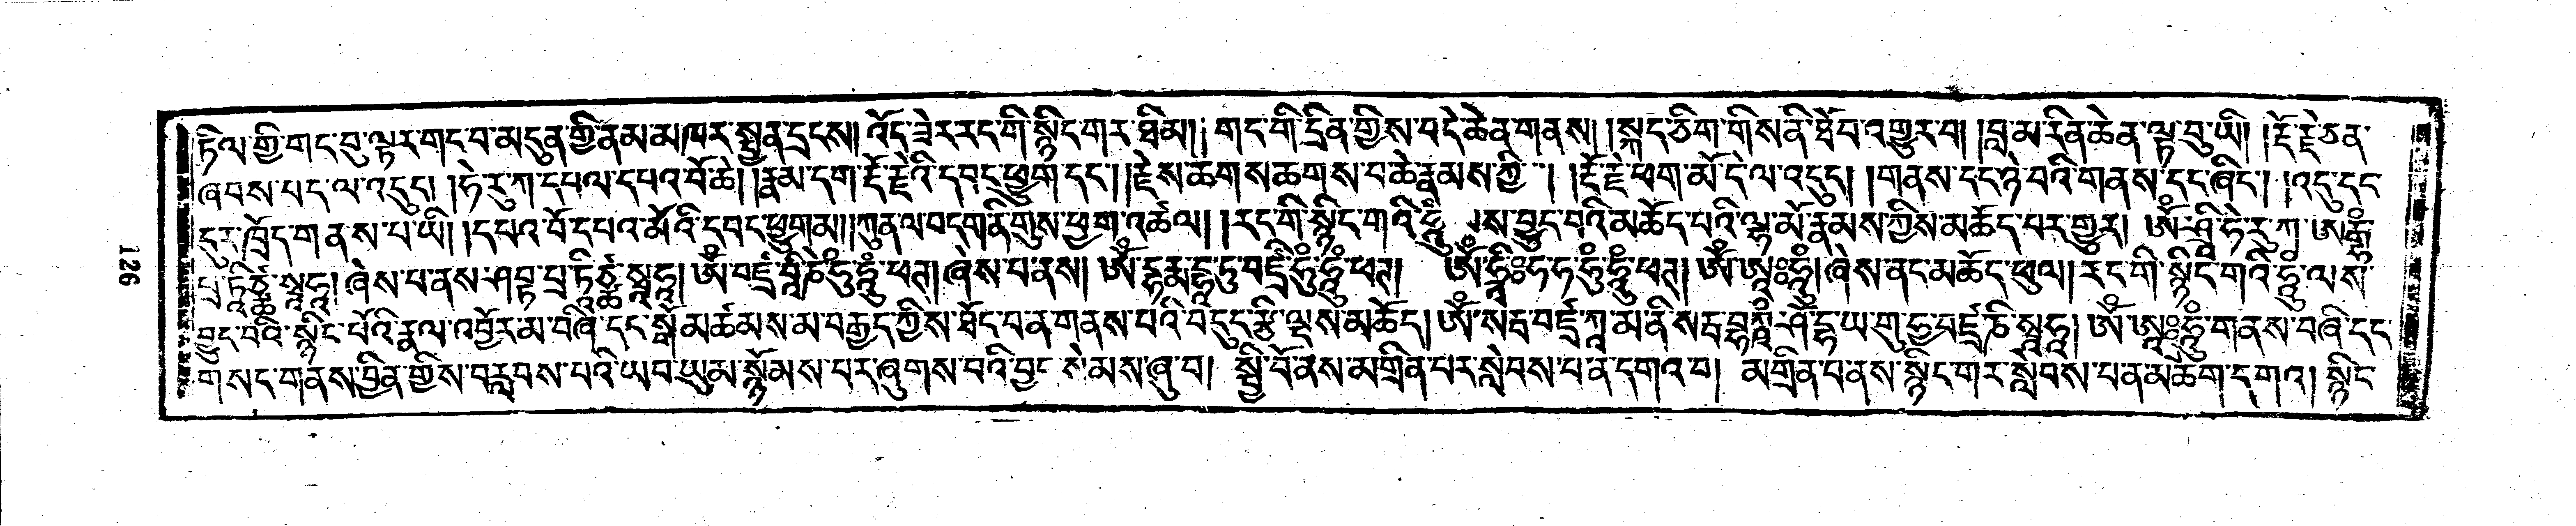ཏིལ་གྱི་གང་བུ་ལྟར་གང་བ་མདུན་གྱི་ནམ་མཁར་སྤྱན་དྲངས། འོད་ཟེར་རང་གི་སྙིང་གར་ཐིམ། གང་གི་དྲིན་གྱིས་བདེ་ཆེན་གནས། །སྐད་ཅིག་གིས་ནི་ཐོབ་འགྱུར་བ། །བླ་མ་རིན་ཆེན་ལྟ་བུ་ཡི། །རྡོ་རྗེ་ཅན་
ཞབས་པད་ལ་འདུད། །ཧེ་རུ་ཀ་དཔལ་དཔའ་བོ་ཆེ། །རྣམ་དག་རྡོ་རྗེའི་དབང་ཕྱུག་དང་། །རྗེས་ཆགས་ཆགས་པ་ཆེ་རྣམས་ཀྱིས། །རྡོ་རྗེ་ཕག་མོ་དེ་ལ་འདུད། །གནས་དང་ཉེ་བའི་གནས་དང་ཞིང་། །འདུ་དང་
དུར་ཁྲོད་གནས་པ་ཡི། །དཔའ་བོ་དཔའ་མོའི་དབང་ཕྱུག་མ། །ཀུན་ལ་བདག་ནི་གུས་ཕྱག་འཚལ། །རང་གི་སྙིང་གའི་ཧཱུཾ་ལས་བྱུང་བའི་མཆོད་པའི་ལྷ་མོ་རྣམས་ཀྱིས་མཆོད་པར་གྱུར། ཨོཾ་ཤྲཱི་ཧེ་རུ་ཀ་ཨརྒྷཾ་
པྲ་ཏཱི་ཙྪ་སྭཱཧཱ། ཞེས་པ་ནས་ཤཔྟ་པྲ་ཏཱི་ཙྪ་སྭཱཧཱ། ཨོཾ་བཛྲ་པཱ་ཎི་ཧུཾ་ཧཱུཾ་ཕཊ། ཞེས་པ་ནས། ཨོཾ་དྷརྨ་དྷཱ་ཏུ་བཛྲེ་ཧུཾ་ཧཱུཾ་ཕཊ། ཨོཾ་ཧྲཱིཿ ཧ་ཧ་ཧུཾ་ཧཱུཾ་ཕཊ། ཨོཾ་ཨཱཿ ཧཱུཾ། ཞེས་ནང་མཆོད་ཕུལ། རང་གི་སྙིང་གའི་ཧཱུཾ་ལས་
བྱུང་བའི་སྙིང་པོའི་རྣལ་འབྱོར་མ་དག་དང་སྒོ་མཚམས་པ་བརྒྱད་ཀྱིས་ཐོད་པ་ན་གནས་པའི་བདུད་རྩི་ལྔས་མཆོད། ཨོཾ་སརྦ་བཛྲ་ཀཱ་མ་ནི་སརྦ་བྷ་ཀྵཾ་ཤོ་དྷ་ཡ་གུ་ཧྱ་བཛྲ་ཎི་སྭཱཧཱ། ཨོཾ་ཨཱཿ ཧཱུཾ་གནས་བཞི་དང་
གསང་གནས་བྱིན་གྱིས་བརླབས་པའི་ཡབ་ཡུམ་སྙོམས་པར་ཞུགས་པའི་བྱང་སེམས་ཞུ་བ། སྤྱི་བོ་ནས་མགྲིན་པར་སླེབས་པ་ན་དགའ་བ། མགྲིན་པ་ནས་སྙིང་གར་སླེབས་པ་ན་མཆོག་དགའ། སྙིང་